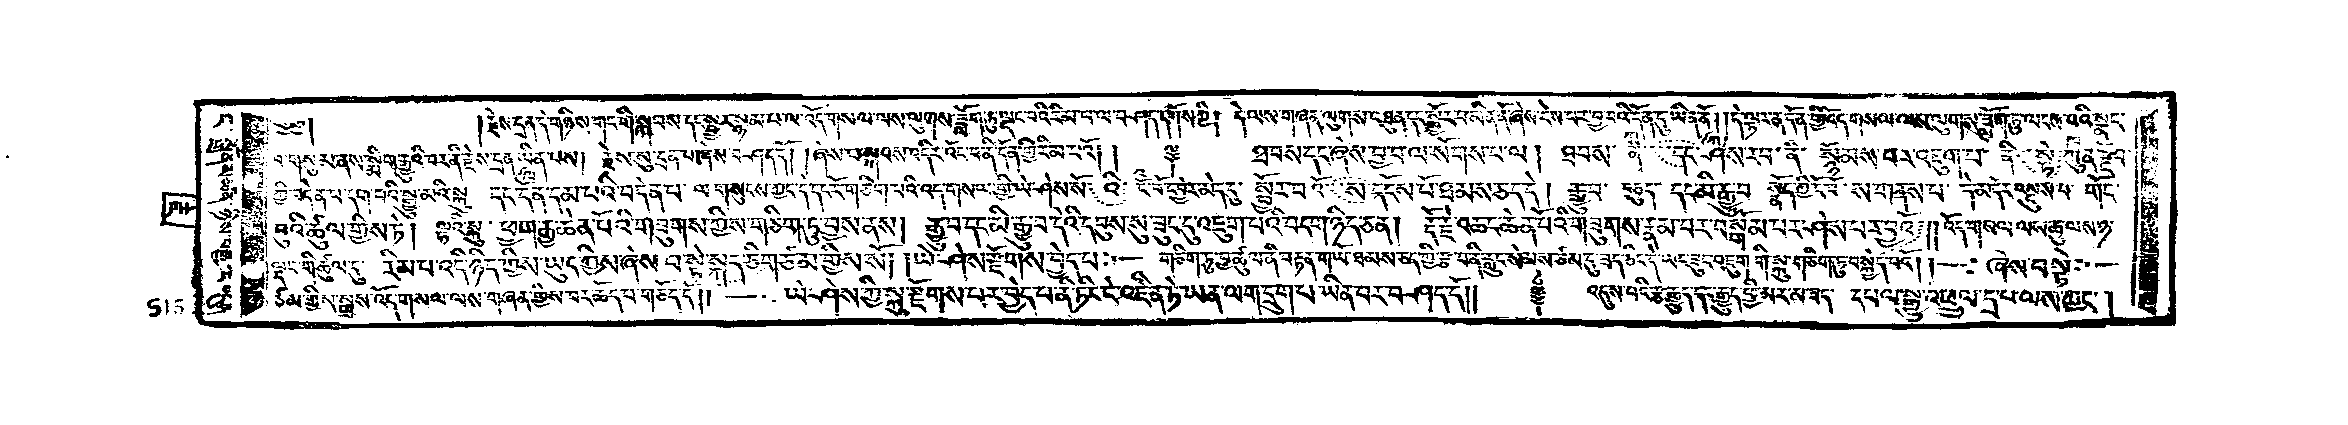༄༅། །རྗེས་དྲན་དེ་གཉིས་གང་གི་སྐབས་དང་སྦྱར་སྙམ་པ་ལ་འོད་གསལ་ལས་ལུགས་ཟློག་ཏུ་ལྡང་བའི་རིམ་པ་ལ་བཤད་དགོས་ཀྱི། དེ་ལས་གཞན་ལུགས་འཐུན་དང་སྦྱོར་བ་མིན་ནོ་ཞེས་ངེས་པར་བྱ་བའི་དོན་དུ་ཡིན་ནོ། །དེ་ལྟར་ན་དོན་གྱི་འོད་གསལ་ལས་ལུགས་ཟློག་ཏུ་ལངས་བའི་སྣང་
བ་གསུམ་ནས་སྨིག་རྒྱུའི་བར་ནི་རྗེས་དྲན་ཡིན་པས། རྗེས་སུ་དྲན་པ་ཞེས་བཤད་དོ། །ཞེས་པ་སྐབས་འདིར་འོང་བ་ནི་དོན་གྱི་རིམ་པའོ།། ༈ ཐབས་དང་ཞེས་བྱ་བ་ལ་སོགས་པ་ལ། ཐབས་ཀ྄་ནི་དང་ཀ྄་ཤེས་རབ་ནི་སྙོམས་པར་འཇུག་པ་ནི་སྟེ་ཁ྄་ཀུན་རྫོབ་
ཀྱི་བདེན་པ་དག་པའི་སྒྱུ་མའི་སྐུ་དང་ཁ྄་དོན་དམ་པའི་བདེན་པ་ལ་གསུངས་ཀྱང་དེ་དང་རོ་གཅིག་པའི་འོད་གསལ་གྱི་ཡེ་ཤེས་སོ་འོ་ངོ་བོ་དབྱེར་མེད་དུ་སྦྱོར་བའོ་ས་དངོས་པོ་ཐམས་ཅད་དེ། རྒྱུ་བ་བཅུད་དང་མི་རྒྱུ་བ་སྣོད་ཀྱི་ངོ་བོ་ས་གནས་པ་དེ་མདོར་བསྡུས་པ་གོང་
བུའི་ཚུལ་གྱིས་ཏེ། ལྷའི་སྐུ་ཕྱག་རྒྱ་ཆེན་པོའི་གཟུགས་ཀྱིས་གཅིག་ཏུ་བྱས་ནས། རྒྱུ་བ་དང་མི་རྒྱུ་བ་དེའི་དབུས་སུ་ཟུང་དུ་འཇུག་པའི་བདག་ཉིད་ཅན། རྡོ་རྗེ་འཆང་ཆེན་པོའི་གཟུགས་རྣམ་པར་བསྒོམ་པར་ཤེས་པར་བྱའོ། །འོད་གསལ་ལས་ཆུ་ལས་ཉ་
ལྡང་གི་ཚུལ་དུ་རིམ་པ་འདི་ཉིད་ཀྱིས་ཡུད་ཀྱིས་ཞེས་པ་སྟེ་སྐད་ཅིག་ཙམ་གྱིས་སོ། །ཡེ་ཤེས་རྫོགས་བྱེད་པ་གཅིག་ཏུ་བྱ་ཚུལ་ནི་བརྟན་གཡོ་ཐམས་ཅད་ཀྱི་རྩ་བ་ནི་རླུང་སེམས་ཙམ་དུ་ཟད་ཅིང་དེ་ཡང་ཟུང་འཇུག་གི་སྐུ་གཅིག་ཏུ་བསྐྱེད་པའོ།།  ཞེས་པ་སྟེ་
ཙམ་གྱིས་སྒྲས་འོད་གསལ་ལས་གཞན་གྱིས་བར་ཆོད་པ་གཅོད་དོ།།  ཡེ་ཤེས་ཀྱི་སྐུ་རྫོགས་པར་བྱེད་པ་ནི་ཏིང་ངེ་འཛིན་ཏེ་ཡན་ལག་དྲུག་པ་ཡིན་པར་བཤད་དོ།། ༈ འདུས་པའི་རྩ་རྒྱུད་དང་རྒྱུད་ཕྱི་མར་མ་ཟད་དཔལ་སྒྱུ་འཕྲུལ་དྲལ་ལས་ཀྱང་།